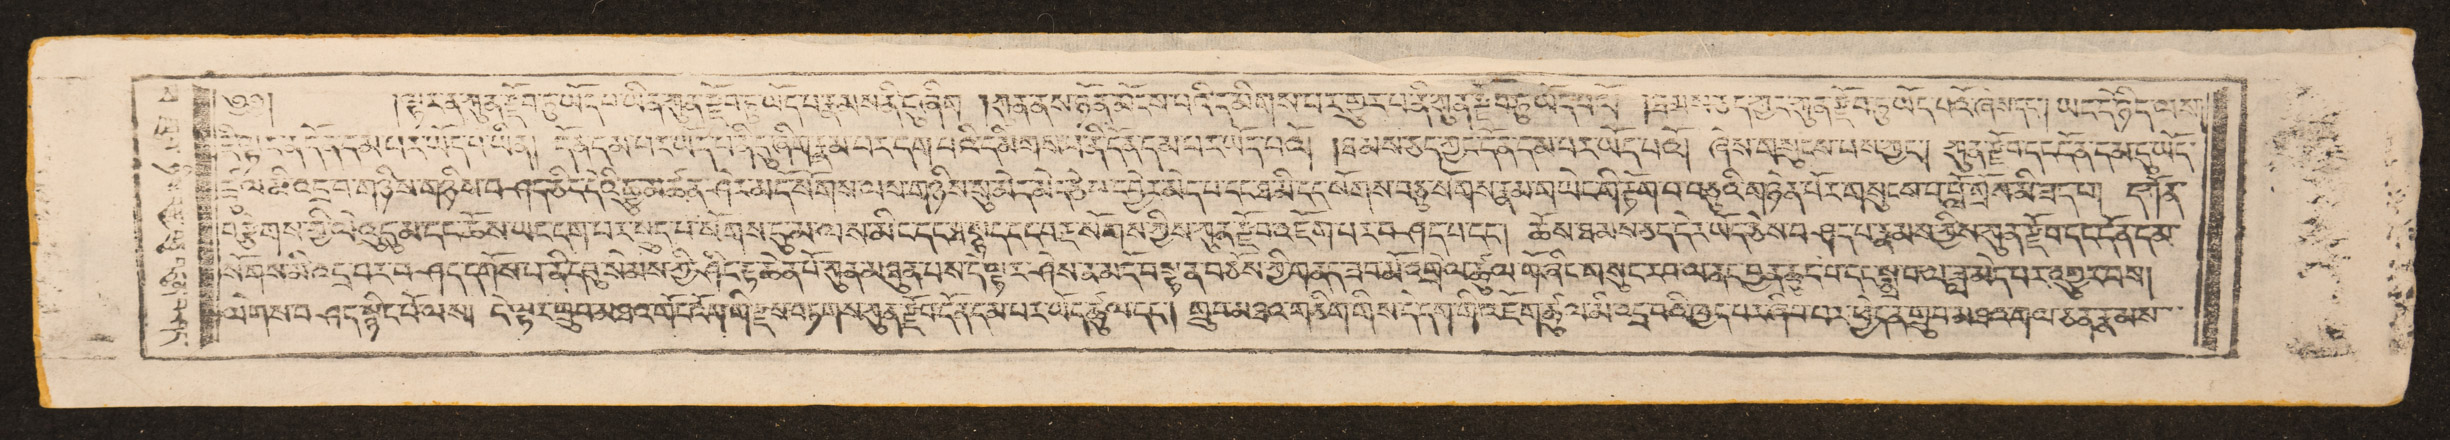༄༅། །ལྟར་ན་ཀུན་རྫོབ་ཏུ་ཡོད་པ་ཡིན་ཀུན་རྫོབ་ཏུ་ཡོད་པ་རྣམས་ནི་དུ་ཞིག །ཀུན་ནས་ཉོན་མོངས་པའི་དམིགས་པར་གྱུར་པ་ནི་ཀུན་རྫོབ་ཏུ་ཡོད་པའོ། །ཐམས་ཅད་ཀྱང་ཀུན་རྫོབ་ཏུ་ཡོད་པའོ་ཞེས་དང་། ཡང་དེ་ཉིད་ལས་
ཇི་ལྟར་ན་དོན་དམ་པར་ཡོད་པ་ཡིན། དོན་དམ་པར་ཡོད་པ་ནི་དུ་ཞིག་རྣམ་པར་དག་པའི་དམིགས་པ་ནི་དོན་དམ་པར་ཡོད་པའོ། །ཐམས་ཅད་ཀྱང་དོན་དམ་པར་ཡོད་པའོ། ཞེས་གསུངས་པས་ཀྱང་། ཀུན་རྫོབ་དང་དོན་དམ་དུ་ཡོད་
ཚུལ་མི་འདྲ་བ་གཉིས་གཉིས་བཤད་ཅིང་དེའི་རྒྱུ་མཚན་ཤེར་མདོ་སོགས་ལས་གཉིས་སུ་མེད་མེད་ཅེས་དབྱེར་མེད་པ་དང་ཐ་མི་དད་སོགས་བཅུ་སོགས་རྣམ་གཡེང་གི་རྟོག་པ་བཅུའི་གཉེན་པོར་གསུངས་པ་བློ་གྲོས་མི་ཟད་པ། དཀོན་
བརྩེགས་ཀྱི་ལེའུ་དུ་མ་དང་ཆོས་ཡང་དག་པར་སྲུད་པ་སོགས་དུ་མ་ལས་མིང་དང་ཐ་སྙད་དད་བརྡ་སོགས་ཀྱིས་ཀུན་རྫོབ་འཇོག་པར་བཤད་པ་དང་། ཆོས་ཐམས་ཅད་དེར་ཡོད་ཅེས་བཤད་པ་རྣམས་ཀྱིས་ཀུན་རྫོབ་དང་དོན་དམ་
སོགས་མི་འདྲ་བར་བཤད་དགོས་པ་ནི་དབུ་སེམས་ཀྱི་ཤིང་རྟ་ཆེན་པོ་ཀུན་མཐུན་པས་དེ་ལྟར་ཤེས་ན་མདོ་བསྟན་བཅོས་ཀྱི་གནད་ཟབ་མོ་འགྲེལ་ཚུལ་གོ་ཞིང་གསུང་རབ་ལ་ནང་བྱན་ཆུད་པ་དང་སྨྲ་བ་ལ་ཟླ་མེད་པར་འགྱུར་བས།
ལེགས་བཤད་སྙིང་པོ་ལས། དེ་ལྟར་གྲུབ་མཐའ་གོང་འོག་གི་རྫས་བཏགས་ཀུན་རྫོབ་དོན་དམ་པར་ཡོད་ཚུལ་དང་། གྲུབ་མཐའ་གཅིག་གིས་དེ་དག་གི་འཇོག་ཚུལ་མི་འདྲ་པའི་ཁྱད་པར་ཞིབ་པར་ཕྱེད་ན་གྲུབ་མཐའ་གལ་ཅན་རྣམས་